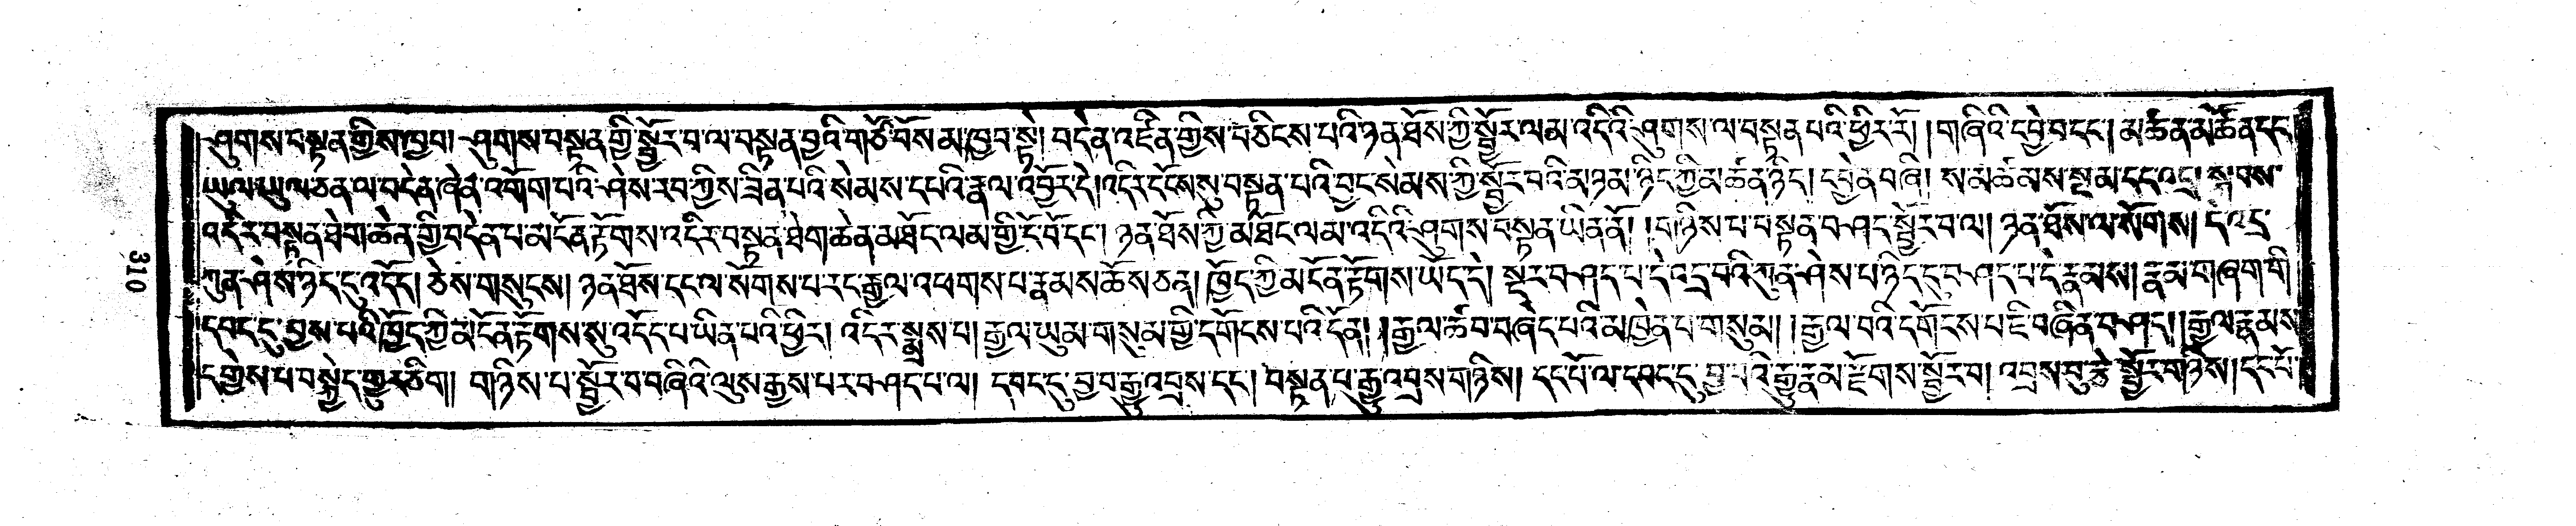ཤུགས་བསྟན་གྱིས་ཁྱབ། ཤུགས་བསྟན་གྱི་སྦྱོར་བ་ལ་བསྟན་བྱའི་གཙོ་བོས་མ་ཁྱབ་སྟེ། བདེན་འཛིན་གྱིས་བཅིངས་པའི་ཉན་ཐོས་ཀྱི་སྦྱོར་ལམ་འདིའི་ཤུགས་ལ་བསྟན་པའི་ཕྱིར་རོ། །གཞིའི་དབྱེ་བ་དང་། མཚན་མཚོན་དང་།
ཡུལ་ཡུལ་ཅན་ལ་བདེན་ཞེན་འགོག་པའི་ཤེས་རབ་ཀྱིས་ཟིན་པའི་སེམས་དཔའི་རྣལ་འབྱོར་དེ། འདིར་དངོས་སུ་བསྟན་པའི་བྱང་སེམས་ཀྱི་སྦྱོར་བའི་མཉམ་ཉིད་ཀྱི་མཚན་ཉིད། དབྱེ་ན་བཞི། ས་མཚམས་སྔ་མ་དང་འདྲ། སྐབས་
འདིར་བསྟན་ཐེག་ཆེན་གྱི་བདེན་པ་མངོན་རྟོགས་འདིར་བསྟན་ཐེག་ཆེན་མཐོང་ལམ་གྱི་ངོ་བོ་དང་། ཉན་ཐོས་ཀྱི་མཐོང་ལམ་འདིའི་ཤུགས་བསྟན་ཡིན་ནོ། །གཉིས་པ་བསྟན་བཤད་སྦྱོར་བ་ལ། ཉན་ཐོས་ལ་སོགས། དེ་འདྲ་
ཀུན་ཤེས་ཉིད་དུ་འདོད། ཅེས་གསུངས། ཉན་ཐོས་དང་ལ་སོགས་པ་རང་རྒྱལ་འཕགས་པ་རྣམས་ཆོས་ཅན། ཁྱོད་ཀྱི་མངོན་རྟོགས་ཡོད་དེ། སྔར་བཤད་པ་དེ་འདྲ་བའི་ཀུན་ཤེས་པ་ཉིད་དུ་བཤད་པ་དེ་རྣམས། རྣམ་གཞག་གི་
དབང་དུ་བྱས་པའི་ཁྱོད་ཀྱི་མངོན་རྟོགས་སུ་འདོད་པ་ཡིན་པའི་ཕྱིར། འདིར་སྨྲས་པ། རྒྱལ་ཡུམ་གསུམ་གྱི་དགོངས་པའི་དོན། །རྒྱལ་ཚབ་བཞེད་པའི་མཁྱེན་པ་གསུམ། །རྒྱལ་བའི་དགོངས་པ་ཇི་བཞིན་བཤད། །རྒྱལ་རྣམས་
དགྱེས་པ་བསྐྱེད་གྱུར་ཅིག །གཉིས་པ་སྦྱོར་བ་བཞིའི་ལུས་རྒྱས་པར་བཤད་པ་ལ། དབང་དུ་བྱ་བ་རྒྱུ་འབྲས་དང་། བསྟན་པ་རྒྱུ་འབྲས་གཉིས། དང་པོ་ལ་དབང་དུ་བྱ་བའི་རྒྱུ་རྣམ་རྫོགས་སྦྱོར་བ། འབྲས་བུ་རྩེ་སྦྱོར་གཉིས། དང་པོ་